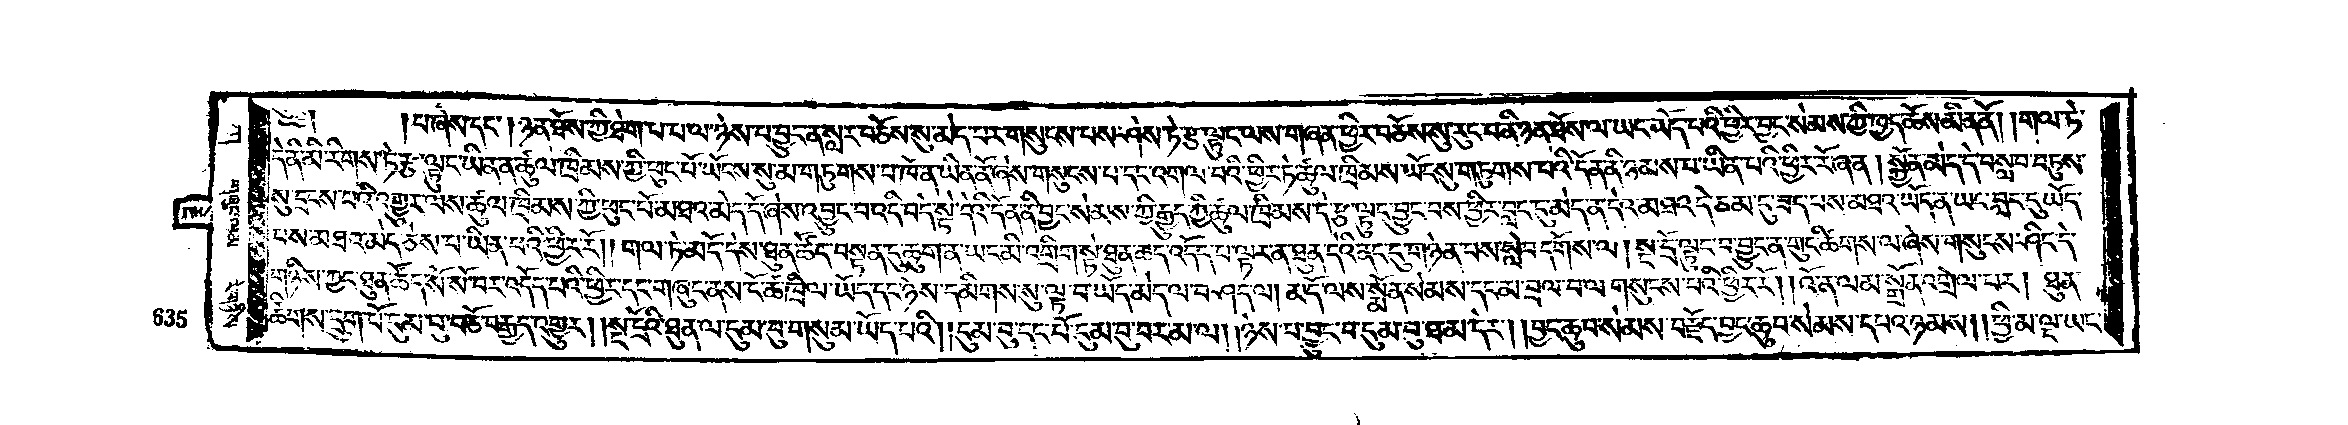༄༅། །པ་ཞེས་དང་། ཉན་ཐོས་ཀྱི་ཐེག་པ་པ་ལ་ཉེས་པ་བྱུང་ན་སླར་བཅོས་སུ་མེད་པར་གསུངས་པས་ཤེས་ཏེ་རྩ་ལྟུང་ལས་གཞན་ཕྱིར་བཅོས་སུ་རུང་བ་ནི་ཉན་ཐོས་ལ་ཡང་ཡོད་པའི་ཕྱིར་བྱང་སེམས་ཀྱི་ཁྱད་ཆོས་མིན་ནོ། །གལ་ཏེ་
དེ་ནི་མི་རིགས་ཏེ་རྩ་ལྟུང་ཡིན་ན་ཚུལ་ཁྲིམས་ཀྱི་ཕུང་པོ་ཡོངས་སུ་མ་གཏུགས་པ་ཁོ་ན་ཡིན་ནོ་ཞེས་གསུངས་པ་དང་འགལ་བའི་ཕྱིར་ཏེ་ཚུལ་ཁྲིམས་ཡོངས་སུ་གཏུགས་པའི་དོན་ནི་ཉམས་པ་ཡིན་པའི་ཕྱིར་རོ་ཞེ་ན། སྐྱོན་མེད་དེ་བསླབ་བཏུས་
སུ་དྲངས་པའི་འགྱུར་ལས་ཚུལ་ཁྲིམས་ཀྱི་ཕུང་པོ་མཐའ་མེད་དོ་ཞེས་འབྱུང་བ་འདི་བདེ་སྟེ་དེའི་དོན་ནི་བྱང་སེམས་ཀྱི་རྒྱུད་ཀྱི་ཚུལ་ཁྲིམས་དེ་རྩ་ལྟུང་བྱུང་བས་ཕྱིར་བླང་དུ་མེད་ན་དེའི་མཐའ་དེ་ཙམ་དུ་ཟད་པས་མཐའ་ཡོད་ན་ཡང་བླང་དུ་ཡོད་
པས་མཐའ་མེད་ཅེས་པ་ཡིན་པའི་ཕྱིར་རོ། །གལ་ཏེ་མདོ་དེས་ཐུན་ཚོད་བསྟན་དུ་ཆུག་ན་ཡང་མི་འགྲིག་སྟེ་ཐུན་ཆད་འདོད་པ་ལྟར་ན་ཐུན་དེའི་ནང་དུ་གཉེན་པས་སླེབ་དགོས་ལ། སྔ་དྲོ་ལྟུང་བ་བྱུང་ན་གུང་ཚིགས་ལ་ཞེས་གསུངས་ཤིང་དེ་
གཉིས་ཀྱང་ཐུན་ཚོད་སོ་སོ་བར་འདོད་པའི་ཕྱིར་དང་གཞུང་ནས་ངོ་ཚ་ཁྲིལ་ཡོད་དང་ཉེས་དམིགས་སུ་ལྟ་བ་ཡོད་མེད་ལ་བཤད་ལ། མདོ་ལས་སྨོན་སེམས་དང་མ་བྲལ་བ་ལ་གསུངས་པའི་ཕྱིར་རོ། །འོ་ན་ལམ་སྒྲོན་འགྲེལ་པར། ཐུན་
ཚིགས་དྲུག་པོ་དུམ་བུ་བཅོ་བརྒྱད་འགྱུར། །སྔ་དྲོའི་ཐུན་ལ་དུམ་བུ་གསུམ་ཡོད་པའི། །དུམ་བུ་དང་པོ་དུམ་བུ་བར་མ་ལ། །ཉེས་པ་བྱུང་བ་དུམ་བུ་ཐ་མ་དེར། །བྱང་ཆུབ་སེམས་བརྗོད་བྱང་ཆུབ་སེམས་དཔའ་ཉམས། །ཕྱི་མ་ལྔ་ཡང་